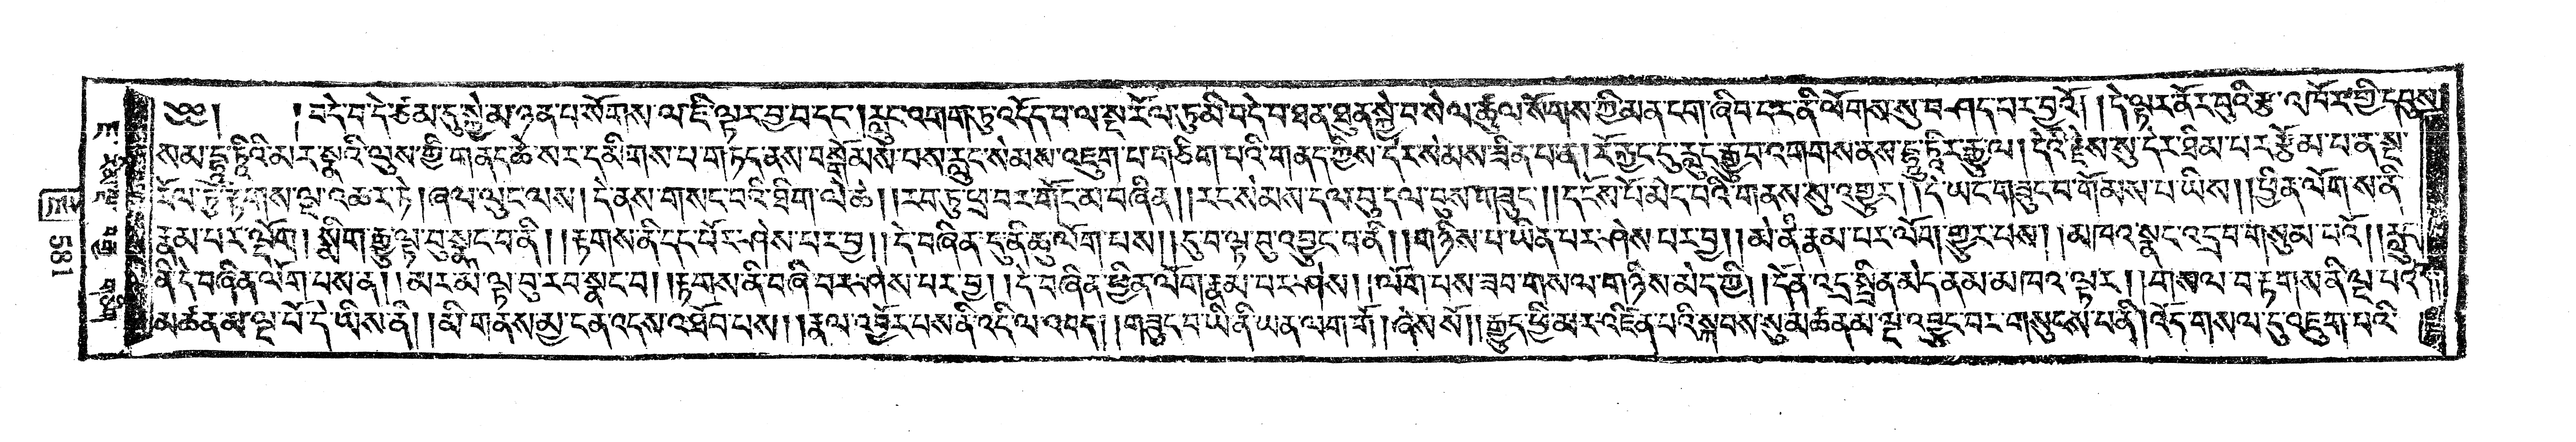༄༅། །བདེ་བ་དེ་ཙམ་དུ་སྐྱེ་མ་ཉན་པ་སོགས་ལ་ཇི་ལྟར་བྱ་བ་དང་། རླུང་འགག་ཏུ་འདོད་པ་ལ་སྔ་རོལ་ཏུ་མི་བདེ་བ་ཐན་ཐུན་སྐྱེ་བ་སེལ་ཚུལ་སོགས་ཀྱི་མན་ངག་ཞིབ་པར་ནི་ལོགས་སུ་བཤད་པར་བྱའོ། །དེ་ལྟར་ནོར་བུའི་རྩ་འཁོར་གྱི་དབུས་
སམ་དྷཱུ་ཏཱིའི་མར་སྣའི་ལུས་ཀྱི་གནད་ཆེ་སར་དམིགས་པ་གཏད་ནས་བསྒོམས་པས་རླུང་སེམས་འཇུག་པ་གཅིག་པའི་གནད་ཀྱིས་དེར་སེམས་ཟིན་པ་ན། རོ་རྐྱང་དུ་རླུང་རྒྱུ་བ་འགགས་ནས་དྷཱུ་ཏཱིར་རྒྱུ་ལ། དེའི་རྗེས་སུ་དེར་ཐིམ་པར་རྩོམ་པ་ན་སྔ་
རོལ་ཏུ་རྟགས་ལྔ་འཆར་ཏེ། ཞལ་ལུང་ལས། དེ་ནས་གསང་བའི་ཐིག་ལེ་ཆེ། །རབ་ཏུ་ཕྲ་བར་གོང་མ་བཞིན། །རང་སེམས་དལ་བུ་དལ་བུས་གཟུང་། །དངོས་པོ་མེད་པའི་གནས་སུ་འགྱུར། །དེ་ཡང་གཟུང་བ་གོམས་པ་ཡིས། །ཕྱིན་ལོག་ས་ནི་
རྣམ་པར་ལྡོག །སྨིག་རྒྱུ་ལྟ་བུ་སྣང་བ་ནི། །རྟགས་ནི་དང་པོར་ཤེས་པར་བྱ། །དེ་བཞིན་དུ་ནི་ཆུ་ལོག་པས། །དུ་བ་ལྟ་བུ་འབྱུང་བ་ནི། །གཉིས་པ་ཡིན་པར་ཤེས་པར་བྱ། །མེ་ན་རྣམ་པར་ལོག་གྱུར་པས། །མཁའ་སྣང་འདྲ་བ་གསུམ་པའོ། །རླུང་
ནི་དེ་བཞིན་ལོག་པས་ན། །མར་མེ་ལྟ་བུ་རབ་སྣང་བ། །རྟགས་ནི་བཞི་བར་ཤེས་པར་བྱ། །དེ་བཞིན་ཕྱིན་ལོག་རྣམ་པར་ཤེས། །ལོག་པས་ཟབ་གསལ་གཉིས་མེད་ཀྱི། །དོན་འདྲ་སྤྲིན་མེད་ནམ་མཁའ་ལྟར། །གསལ་བ་རྟགས་ནི་ལྔ་པའོ། །
མཚན་མ་ལྔ་པོ་དེ་ཡིས་ནི། །མི་གནས་མྱ་ངན་འདས་འཐོབ་པས། །རྣལ་འབྱོར་པས་ནི་འདི་ལ་འབད། །གཟུང་བ་ཡི་ནི་ཡན་ལག་གོ །ཞེས་སོ། །རྒྱུད་ཕྱི་མར་འཛིན་པའི་སྐབས་སུ་མཚན་མ་ལྔ་འབྱུང་བར་གསུངས་པ་ནི། འོད་གསལ་དུ་འཇུག་པའི་